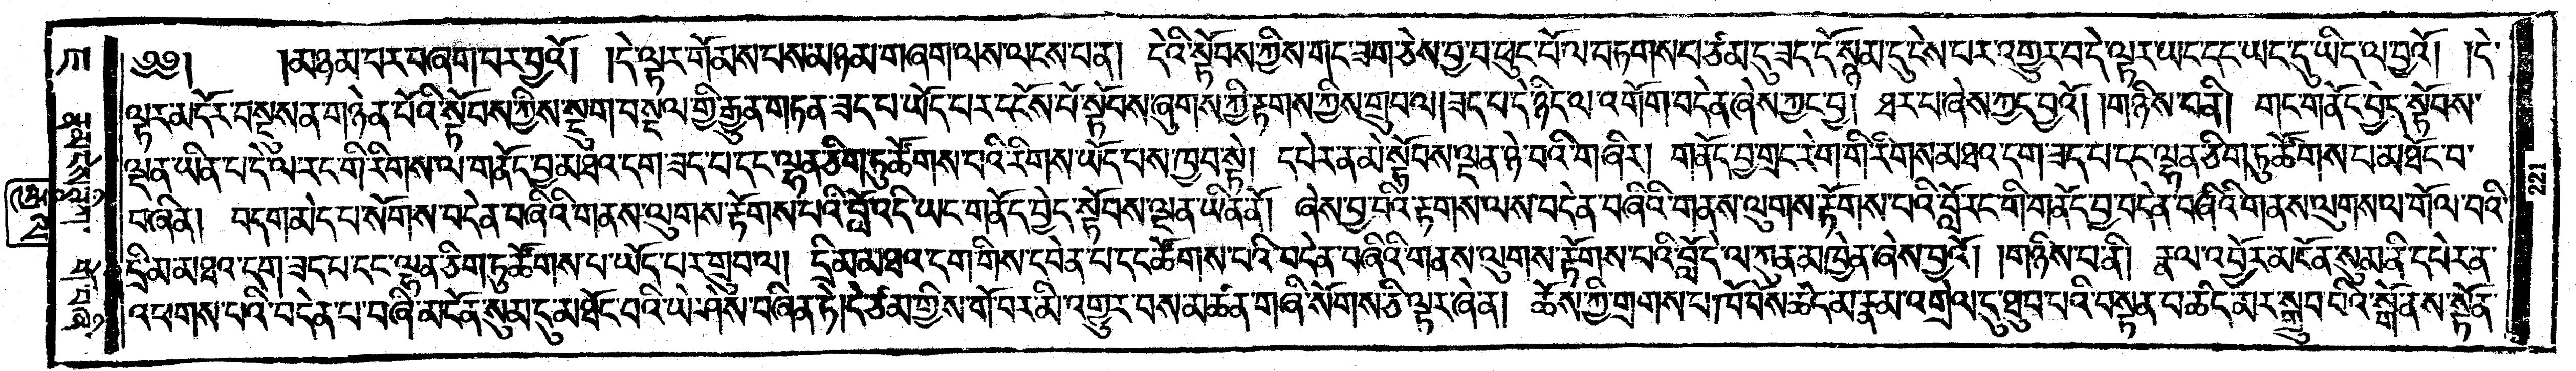༄༅། །མཉམ་པར་བཞག་པར་བྱའོ། །དེ་ལྟར་གོམས་པས་མཉམ་གཞག་ལས་ལངས་པ་ན། དེའི་སྟོབས་ཀྱིས་གང་ཟག་ཅེས་བྱ་བ་ཕུང་པོ་ལ་བཏགས་པ་ཙམ་དུ་ཟད་དོ་སྙམ་དུ་ངེས་པར་འགྱུར་བ་དེ་ལྟར་ཡང་དང་ཡང་དུ་ཡིད་ལ་བྱའོ། །དེ་
ལྟར་མདོར་བསྡུས་ན་གཉེན་པོའི་སྟོབས་ཀྱིས་སྡུག་བསྔལ་གྱི་རྒྱུན་གཏན་ཟད་པ་ཡོད་པར་དངོས་པོ་སྟོབས་ཞུགས་ཀྱི་རྟགས་ཀྱིས་གྲུབ་ལ། ཟད་པ་དེ་ཉིད་ལ་འགོག་བདེན་ཞེས་ཀྱང་བྱ། ཐར་པ་ཞེས་ཀྱང་བྱའོ། །གཉིས་པ་ནི། གང་གནོད་བྱེད་སྟོབས་
ལྡན་ཡིན་པ་དེ་ལ་རང་གི་རིགས་ལ་གནོད་བྱ་མཐའ་དག་ཟད་པ་དང་ལྷན་ཅིག་ཏུ་ཚོགས་པའི་རིགས་ཡོད་པས་ཁྱབ་སྟེ། དཔེར་ན་མེ་སྟོབས་ལྡན་ཉེ་བའི་གཞིར། གནོད་བྱ་གྲང་རེག་གི་རིགས་མཐའ་དག་ཟད་པ་དང་ལྷན་ཅིག་ཏུ་ཚོགས་པ་མཐོང་བ་
བཞིན། བདག་མེད་པ་སོགས་བདེན་བཞིའི་གནས་ལུགས་རྟོགས་པའི་བློ་འདི་ཡང་གནོད་བྱེད་སྟོབས་ལྡན་ཡིན་ནོ། ཞེས་བྱ་བའི་རྟགས་ལས་བདེན་བཞིའི་གནས་ལུགས་རྟོགས་པའི་བློ་རང་གི་གནོད་བྱ་བདེན་བཞིའི་གནས་ལུགས་ལ་གོལ་བའི་
དྲི་མ་མཐའ་དག་ཟད་པ་དང་ལྷན་ཅིག་ཏུ་ཚོགས་པ་ཡོད་པར་གྲུབ་ལ། དྲི་མ་མཐའ་དག་གིས་དབེན་པ་དང་ཚོགས་པའི་བདེན་བཞིའི་གནས་ལུགས་རྟོགས་པའི་བློ་དེ་ལ་ཀུན་མཁྱེན་ཞེས་བྱའོ། །གཉིས་པ་ནི། རྣལ་འབྱོར་མངོན་སུམ་ནི་དཔེར་ན་
འཕགས་པའི་བདེན་པ་བཞི་མངོན་སུམ་དུ་མཐོང་བའི་ཡེ་ཤེས་བཞིན་ཏེ། དེ་ཙམ་གྱིས་གོ་བར་མི་འགྱུར་བས་མཚན་གཞི་སོགས་ཅི་ལྟར་ཞེ་ན། ཆོས་ཀྱི་གྲགས་པ་ཁོ་བོས་ཚད་མ་རྣམ་འགྲེལ་དུ་ཐུབ་པའི་བསྟན་པ་ཚད་མར་སྒྲུབ་པའི་སྒོ་ནས་སྟོན་